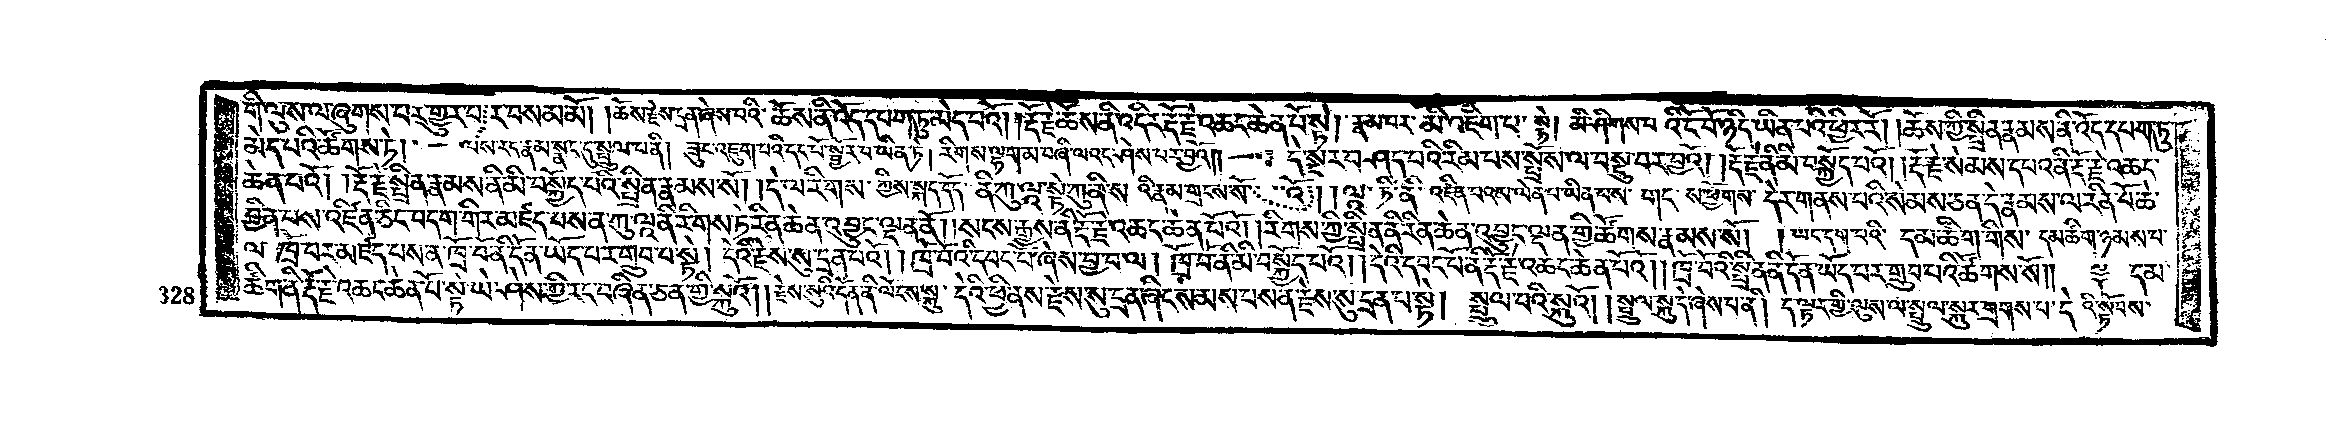གི་ལུས་ལ་ཞུགས་པར་གྱུར་པར་བསམ་མོ། ། ཆོས་རྗེས་དྲན་ཞེས་པའི་ཆོས་ནི་འོད་དཔག་ཏུ་མེད་པའོ། །རྡོ་རྗེ་ཆོས་ནི་འདིར་རྡོ་རྗེ་འཆང་ཆེན་པོ་སྟེ། རྣམ་པར་མི་འཇིག་པ་སྟེ། མི་ཤིགས་པའི་ངོ་བོ་ཉིད་ཡིན་པའི་ཕྱིར་རོ། །ཆོས་ཀྱི་སྤྲིན་རྣམས་ནི་འོད་དཔག་ཏུ་
མེད་པའི་ཚོགས་ཏེ། H.་པས་རང་རྣམ་སྣང་དུ་སྤྲུལ་པ་ནི། ཟུང་འཇུག་པའི་དང་པོ་སྦྱོར་པ་ཡིན་ཏེ། རིགས་ལྷག་མ་བཞི་ལའང་ཤེས་པར་བྱའོ།།  .Hདེ་སྔར་བཤད་པའི་རིམ་པས་སྤྲོས་ལ་བསྡུ་བར་བྱའོ། །རྡོ་རྗེ་ནི་མི་བསྐྱོད་པའོ། །རྡོ་རྗེ་སེམས་དཔའ་ནི་རྡོ་རྗེ་འཆང་
ཆེན་པོའོ། །རྡོ་རྗེ་སྤྲིན་རྣམས་ནི་མི་བསྐྱོད་པའི་སྤྲིན་རྣམས་སོ། །དེ་ལ་རིགས་ཀྱིས་སྐད་དོད་ནི་ཀུ་ལཱ་སྟེ་ཀུ་ནི་སའི་རྣམ་གྲངས་སོ་འོ། །ལཱ་ཏི་ནི་འཛིན་པའམ་ལེན་པ་ཡིན་པས་གང་ས་ཕྱོགས་དེར་གནས་པའི་སེམས་ཅན་དེ་རྣམས་ལ་རིན་པོ་ཆེ་
བྱིན་པས་འཛིན་ཅིང་བདག་གིར་མཛད་པས་ན་ཀུ་ལཱ་ནི་རིགས་ཏེ་རིན་ཆེན་འབྱུང་ལྡན་ནོ། །སངས་རྒྱས་ནི་རྡོ་རྗེ་འཆང་ཆེན་པོའོ། །རིགས་ཀྱི་སྤྲིན་ནི་རིན་ཆེན་འབྱུང་ལྡན་གྱི་ཚོགས་རྣམས་སོ། ། ཡང་དག་པའི་དམ་ཚིག་གིས་དམ་ཚིག་ཉམས་པ
ལ་ཁྲོ་བར་མཛད་པས་ན་ཁྲོ་བོ་ནི་དོན་ཡོད་པར་གྲུབ་པ་སྟེ། དེའི་རྗེས་སུ་དྲན་པའོ། །ཁྲོ་བོའི་དབང་པོ་ཞེས་བྱ་བ་ལ། ཁྲོ་བོ་ནི་མི་བསྐྱོད་པའོ། །དེའི་དབང་པོ་ནི་རྡོ་རྗེ་འཆང་ཆེན་པོའོ། །ཁྲོ་བོའི་སྤྲིན་ནི་དོན་ཡོད་པར་གྲུབ་པའི་ཚོགས་སོ།། ༈ དམ་
ཚིག་ནི་རྡོ་རྗེ་འཆང་ཆེན་པོ་སྟེ་ཡེ་ཤེས་ཀྱི་རང་བཞིན་ཅན་གྱི་སྐུའོ། ། རྗེས་སུའི་དོན་ནི་ལོངས་སྐུ་དེའི་ཕྱི་ནས་རྗེས་སུ་དྲན་ཞིང་སེམས་པས་ན་རྗེས་སུ་དྲན་པ་སྟེ། སྤྲུལ་པའི་སྐུའོ། ། སྤྲུལ་སྐུ་དེ་ཞེས་པ་ནི། དེ་ལྟར་གྱི་ལུས་ལ་སྤྲུལ་སྐུར་གྲགས་པ་དེའི་སྟོབས